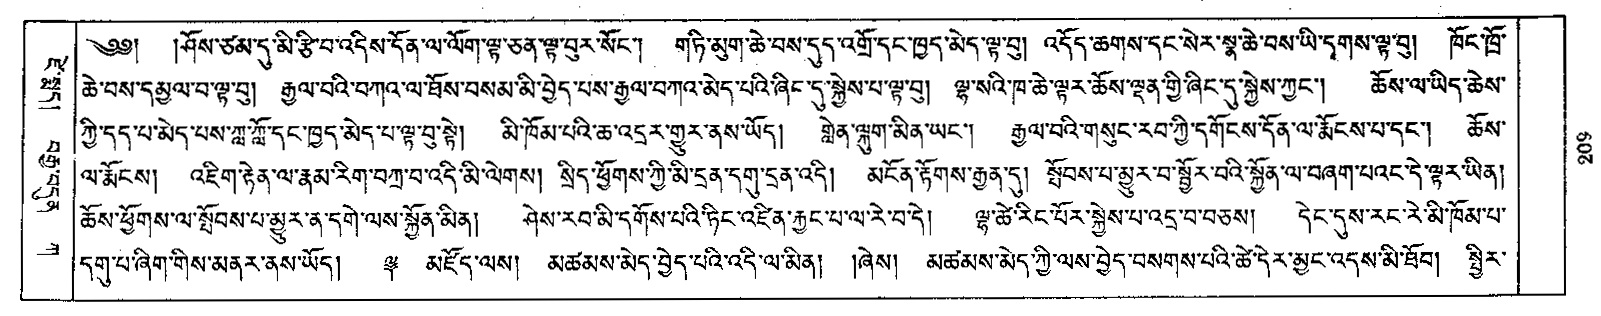༄༅། །ཤོས་ཙམ་དུ་མི་རྩི་བ་འདིས་དོན་ལ་ལོག་ལྟ་ཅན་ལྟ་བུར་སོང་། གཏི་མུག་ཆེ་བས་དུད་འགྲོ་དང་ཁྱད་མེད་ལྟ་བུ། འདོད་ཆགས་དང་སེར་སྣ་ཆེ་བས་ཡི་དྭགས་ལྟ་བུ། ཁོང་ཁྲོ་
ཆེ་བས་དམྱལ་བ་ལྟ་བུ། རྒྱལ་བའི་བཀའ་ལ་ཐོས་བསམ་མི་བྱེད་པས་རྒྱལ་བཀའ་མེད་པའི་ཞིང་དུ་སྐྱེས་པ་ལྟ་བུ། ལྷ་སའི་ཁ་ཆེ་ལྟར་ཆོས་ལྡན་གྱི་ཞིང་དུ་སྐྱེས་ཀྱང་། ཆོས་ལ་ཡིད་ཆེས་
ཀྱི་དད་པ་མེད་པས་ཀླ་ཀློ་དང་ཁྱད་མེད་པ་ལྟ་བུ་སྟེ། མི་ཁོམ་པའི་ཆ་འདྲར་གྱུར་ནས་ཡོད། གླེན་ལྐུག་མིན་ཡང་། རྒྱལ་བའི་གསུང་རབ་ཀྱི་དགོངས་དོན་ལ་རྨོངས་པ་དང་། ཆོས་
ལ་རྨོངས། འཇིག་རྟེན་ལ་རྣམ་རིག་བཀྲ་བ་འདི་མི་ལེགས། སྲིད་ཕྱོགས་ཀྱི་མི་དྲན་དགུ་དྲན་འདི། མངོན་རྟོགས་རྒྱན་དུ། སྤོབས་པ་མྱུར་བ་སྦྱོར་བའི་སྐྱོན་ལ་བཞག་པའང་དེ་ལྟར་ཡིན།
ཆོས་ཕྱོགས་ལ་སྤོབས་པ་མྱུར་ན་དགེ་ལས་སྐྱོན་མིན། ཤེས་རབ་མི་དགོས་པའི་ཏིང་འཛིན་རྐྱང་པ་ལ་རེ་བ་དེ། ལྷ་ཚེ་རིང་པོར་སྐྱེས་པ་འདྲ་བ་བཅས། དེང་དུས་རང་རེ་མི་ཁོམ་པ་
དགུ་པ་ཞིག་གིས་མནར་ནས་ཡོད། ༈ མཛོད་ལས། མཚམས་མེད་བྱེད་པའི་འདི་ལ་མིན། །ཞེས། མཚམས་མེད་ཀྱི་ལས་བྱེད་བསགས་པའི་ཚེ་དེར་མྱང་འདས་མི་ཐོབ། སྤྱིར་